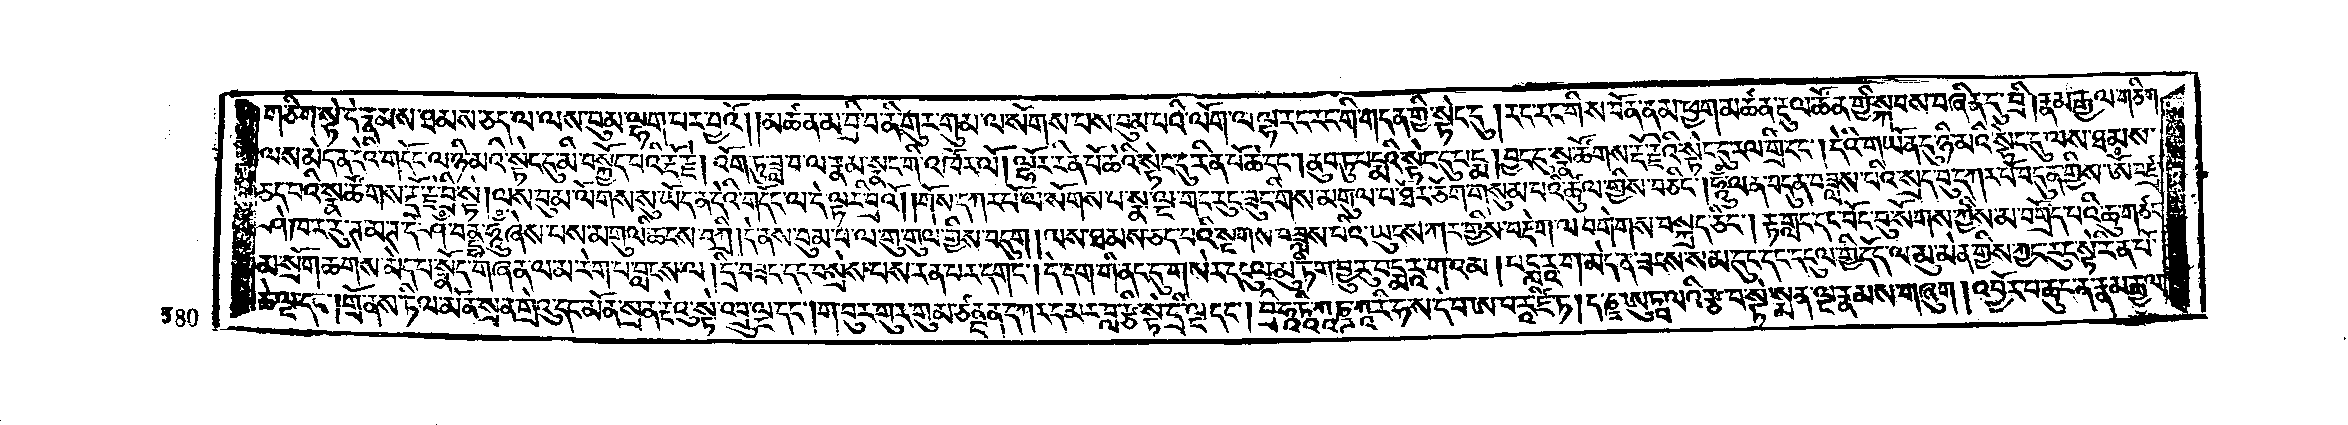གཅིག་སྟེ་དེ་རྣམས་ཐམས་ཅད་ལ་ལས་བུམ་ལྷག་པར་བྱའོ། །མཚན་མ་བྲི་བ་ནི་གུར་གུམ་ལ་སོགས་པས་བུམ་པའི་ལོག་ལ་ལྷ་རང་རང་གི་གདན་གྱི་སྟེང་དུ། རང་རང་གི་ས་བོན་ནམ་ཕྱག་མཚན་རྡུལ་ཚོན་གྱི་སྐབས་བཞིན་དུ་བྲི། རྣམ་རྒྱལ་གཅིག་
ལས་མེད་ན་དེའི་གདོང་ལ་ཉི་མའི་སྟེང་དུ་མི་བསྐྱོད་པའི་རྡོ་རྗེ། འོག་ཏུ་ཟླ་བ་ལ་རྣམ་སྣང་གི་འཁོར་ལོ། ལྷོར་རིན་པོ་ཆེའི་སྟེང་དུ་རིན་པོ་ཆེ་དང་། ནུབ་ཏུ་པདམའི་སྟེང་དུ་པདམ། བྱང་དུ་སྣ་ཚོགས་རྡོ་རྗེའི་སྟེང་དུ་རལ་གྲི་དང་། དེའི་གཡོན་དུ་ཉི་མའི་སྟེང་དུ་ལས་ཐམས་
ཅད་པའི་སྣ་ཚོགས་རྡོ་རྗེ་བྲི་སྟེ། ལས་བུམ་ལོགས་སུ་ཡོད་ན་དེའི་གདོང་ལ་དེ་ལྟར་བྲིའོ། །གོས་དཀར་པོ་ལ་སོགས་པ་སྣ་ལྔ་གང་རུང་ཟུང་གིས་མགུལ་པ་ཐོར་ཅོག་གསུམ་པའི་ཚུལ་གྱིས་བཅིང་། ཧཱུཾ་ལན་བདུན་བཟླས་པའི་སྲད་བུ་དཀར་པོ་བདུན་གྱིས་ཨོཾ་བཛྲ་
ཤེ་ཁ་ར་རུ་ཊ་མ་ཊ་དེ་ཤཾ་བནྡྷ་ཧཱུཾ་ཞེས་པས་མགུལ་ཆིངས་དཀྲི། དེ་ནས་བུམ་པ་ལ་གུ་གུལ་གྱིས་བདུག །ལས་ཐམས་ཅད་པའི་སྔགས་བཟླས་པའི་ཡུངས་ཀར་གྱིས་བརྡེག་ལ་བགེགས་བསྐྲད་ཅིང་། རྟ་གླང་དང་བོང་བུ་སོགས་ཀྱིས་མ་བགྲོད་པའི་ཆུ་གཙང་
མ་སྲོག་ཆགས་མེད་པ་སྣོད་གཞན་ལ་མ་རེག་པ་བླངས་ལ། དྲི་བཟང་དང་བསྲེས་པས་རན་པར་དགང་། དེ་དག་གི་ནང་དུ་གསེར་དངུལ་མུ་ཏིག་བྱུ་རུ་པདམ་རཱ་ག་འམ། པདམ་རཱ་ག་མེད་ན་ཟངས་སམ་དུང་དང་དངུལ་གྱི་དོད་ལ་མུ་མེན་གྱིས་ཀྱང་རུང་སྟེ་རིན་པོ་
ཆེ་ལྔ་དང་། གྲོ་ནས་ཏིལ་མོན་སྲན་གྲེའུ་དང་མོན་སྲན་རྡེའུ་སྟེ་འབྲུ་ལྔ་དང་། ག་བུར་གུར་གུམ་ཙནྡན་དཀར་དམར་བླ་རྩི་སྟེ་དྲི་ལྔ་དང་། བྲི་ཧཱ་ཏཱི་ཀཱཎྜ་ཀཱ་རི་ཧ་ས་དེ་བ་ཨ་པ་རཱ་ཛི་ཏ། དཎྜ་ཨུཏྤ་ལའི་རྩ་བ་སྟེ་སྨན་ལྔ་རྣམས་གཞུག །འབྱོར་པ་ཆུང་ན་རྣམ་རྒྱལ་